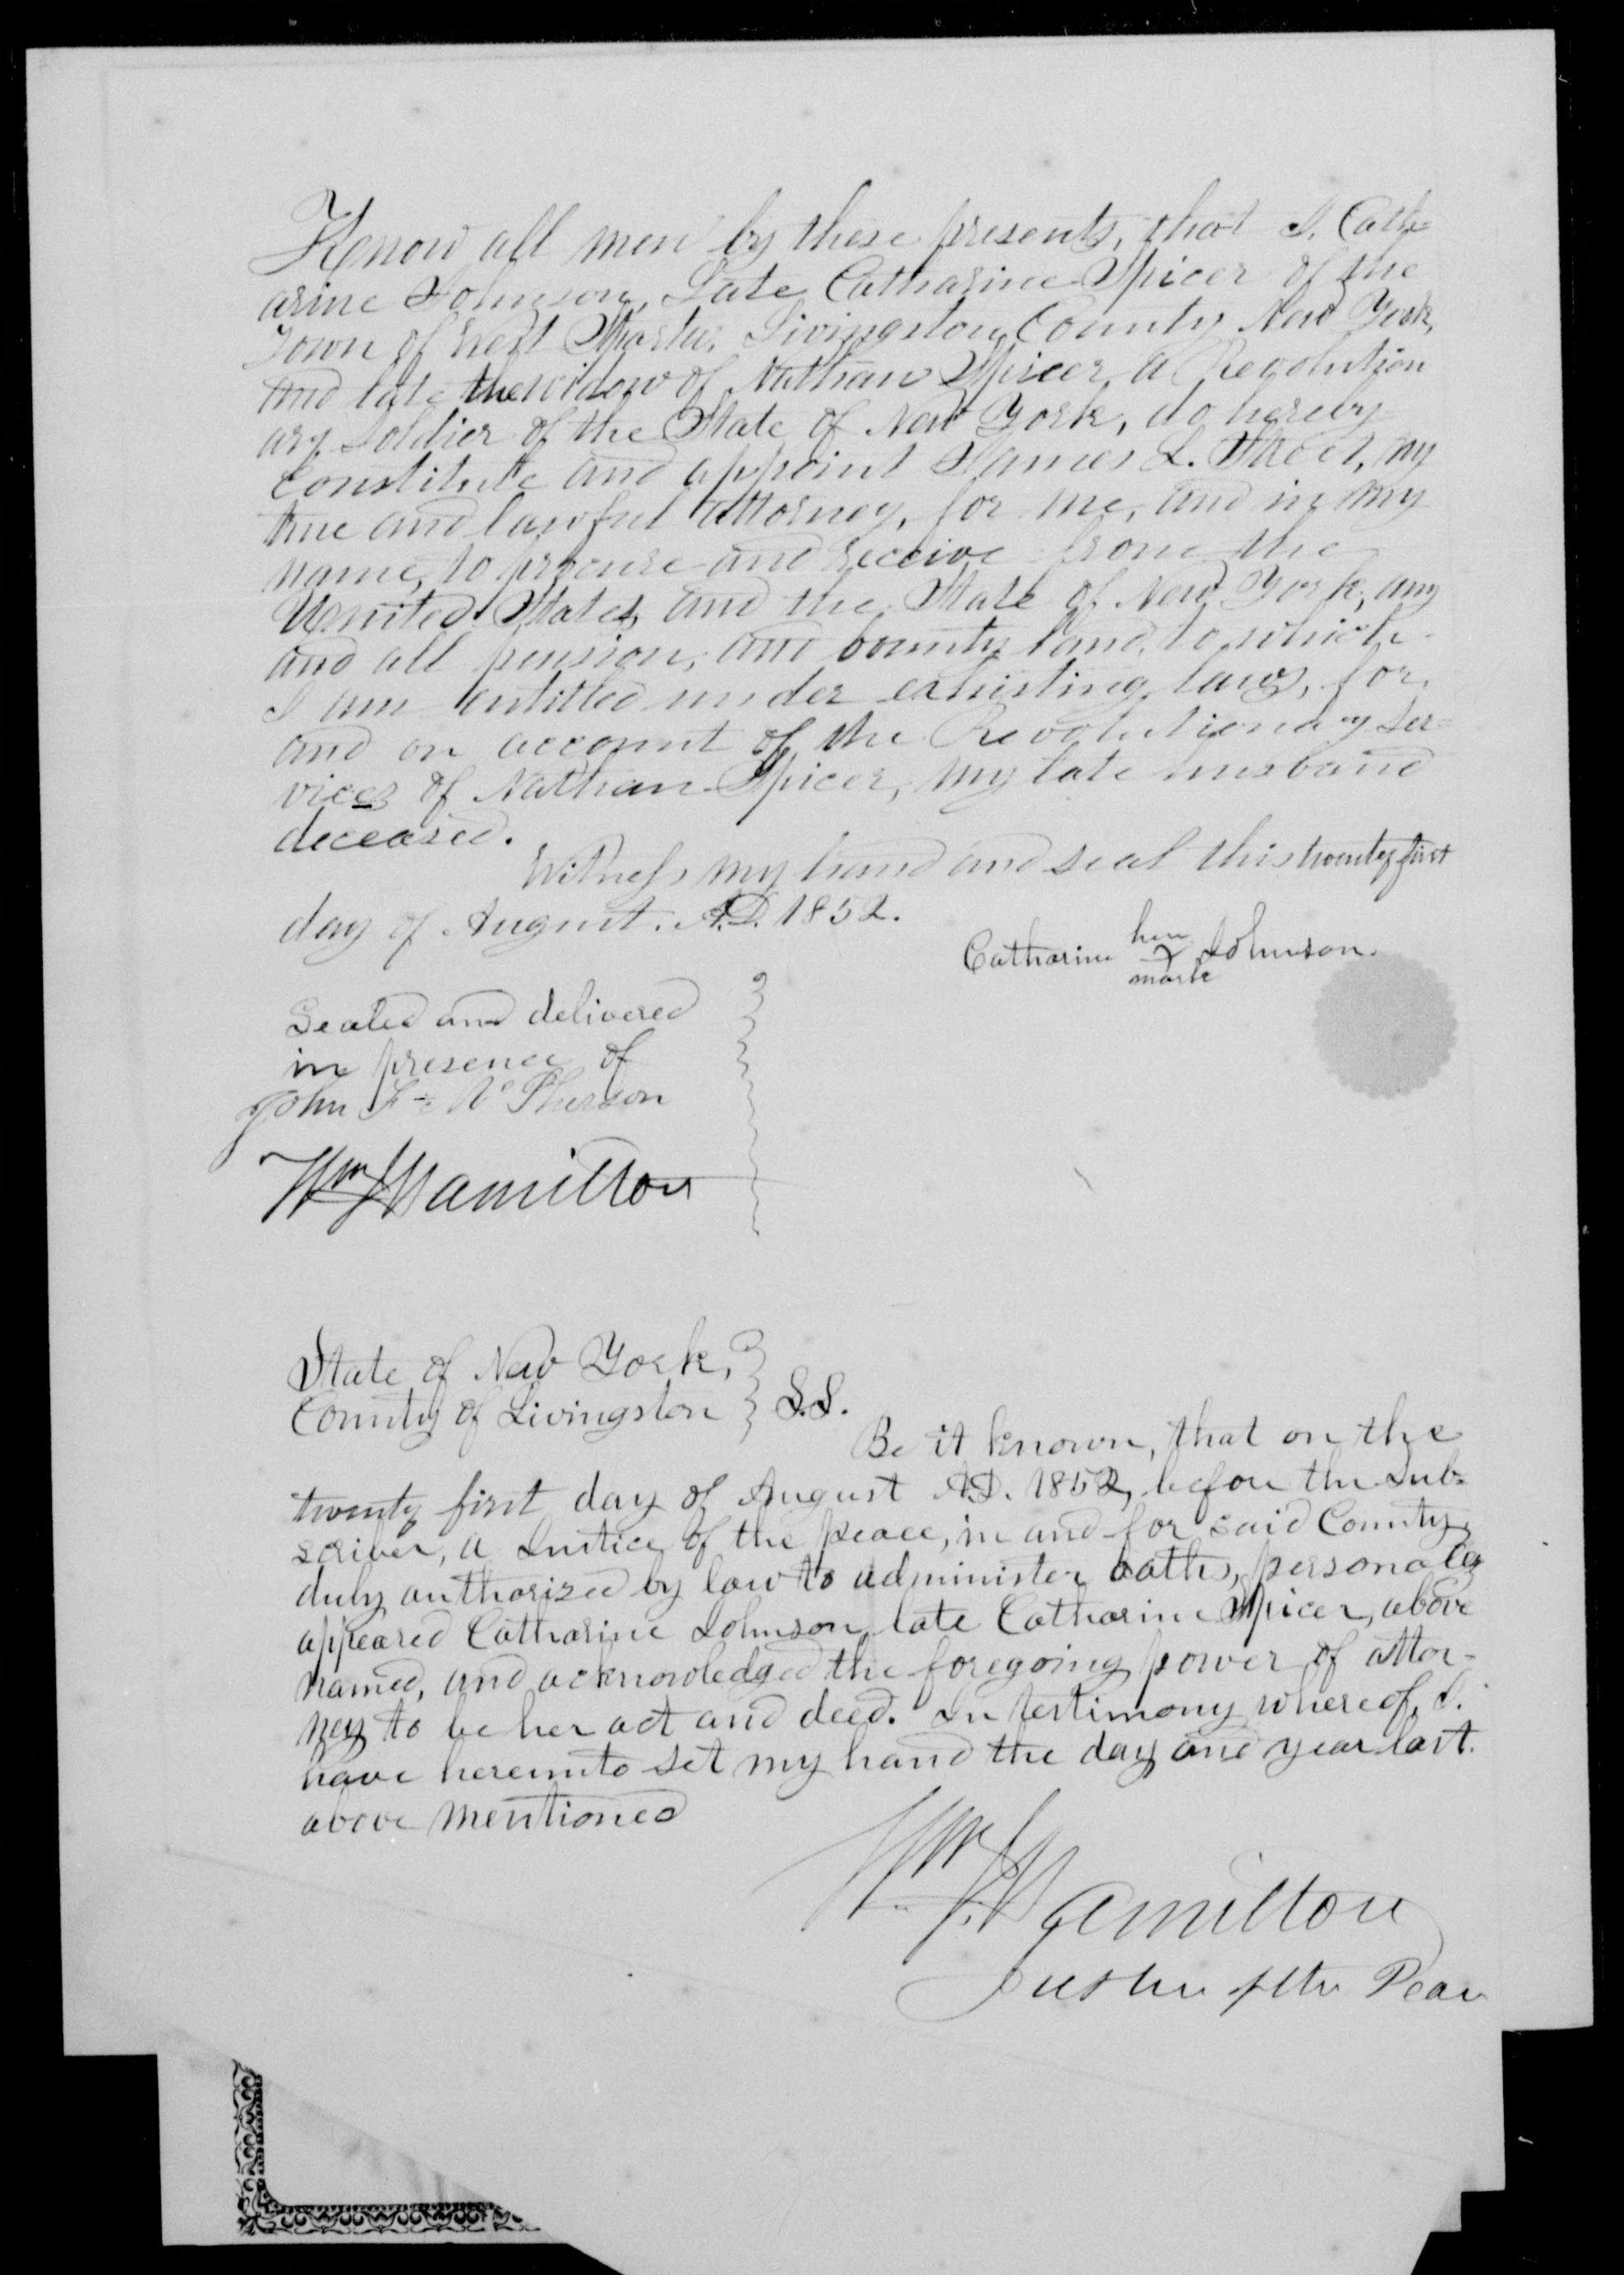Know all men by these presents, that I Catherine Johnson, late Catherine Spicer of the Town of West Sparta, Livingston County New York, and late the widow of Nathan Spicer, a Revolutionary Soldier of the State of New York, do hereby constitute and appoint James L. Street, my true and lawful attorney, for me, an in my name, to procure and receive from the United States, and the State of New York, any and all pension, and bounty land, to which I am entitled under existing laws, for and on account of the Revolutionary Services of Nathan Spicer, my late husband deceased.
Witness my hand and seal this twenty first day of August A.D. 1852.
her X mark
Catherine Johnson
Sealed and delivered in presence of John McPherson
Wm J Hamilton}

State of New York,
County of Livingston} ss.
Be it known, that on the twenty first day of August A.D. 1852, before the subscriber, a Justice of the Peace, in and for said County, duly authorized by law to administer oaths, personally appeared Catherine Johnson, late Catherine Spicer, above named, and acknowledged the foregoing power of attorney to be her act and deed. In testimony whereof I have hereunto set my hand the day and year last above mentioned
Wm J. Hamilton
Justice of the Peace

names: John F Mc Pherson; Catharine Johnson; Wm J Hamilton; Catharine Johnson; Nathan Spicer; James L Street; Nathan Spicer; Wm J Hamilton; Catharine Spicer; Catharine Johnson; Catharine Spicer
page: 30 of 33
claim: rejected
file: R. 5603, for Nathan Spicer, New York